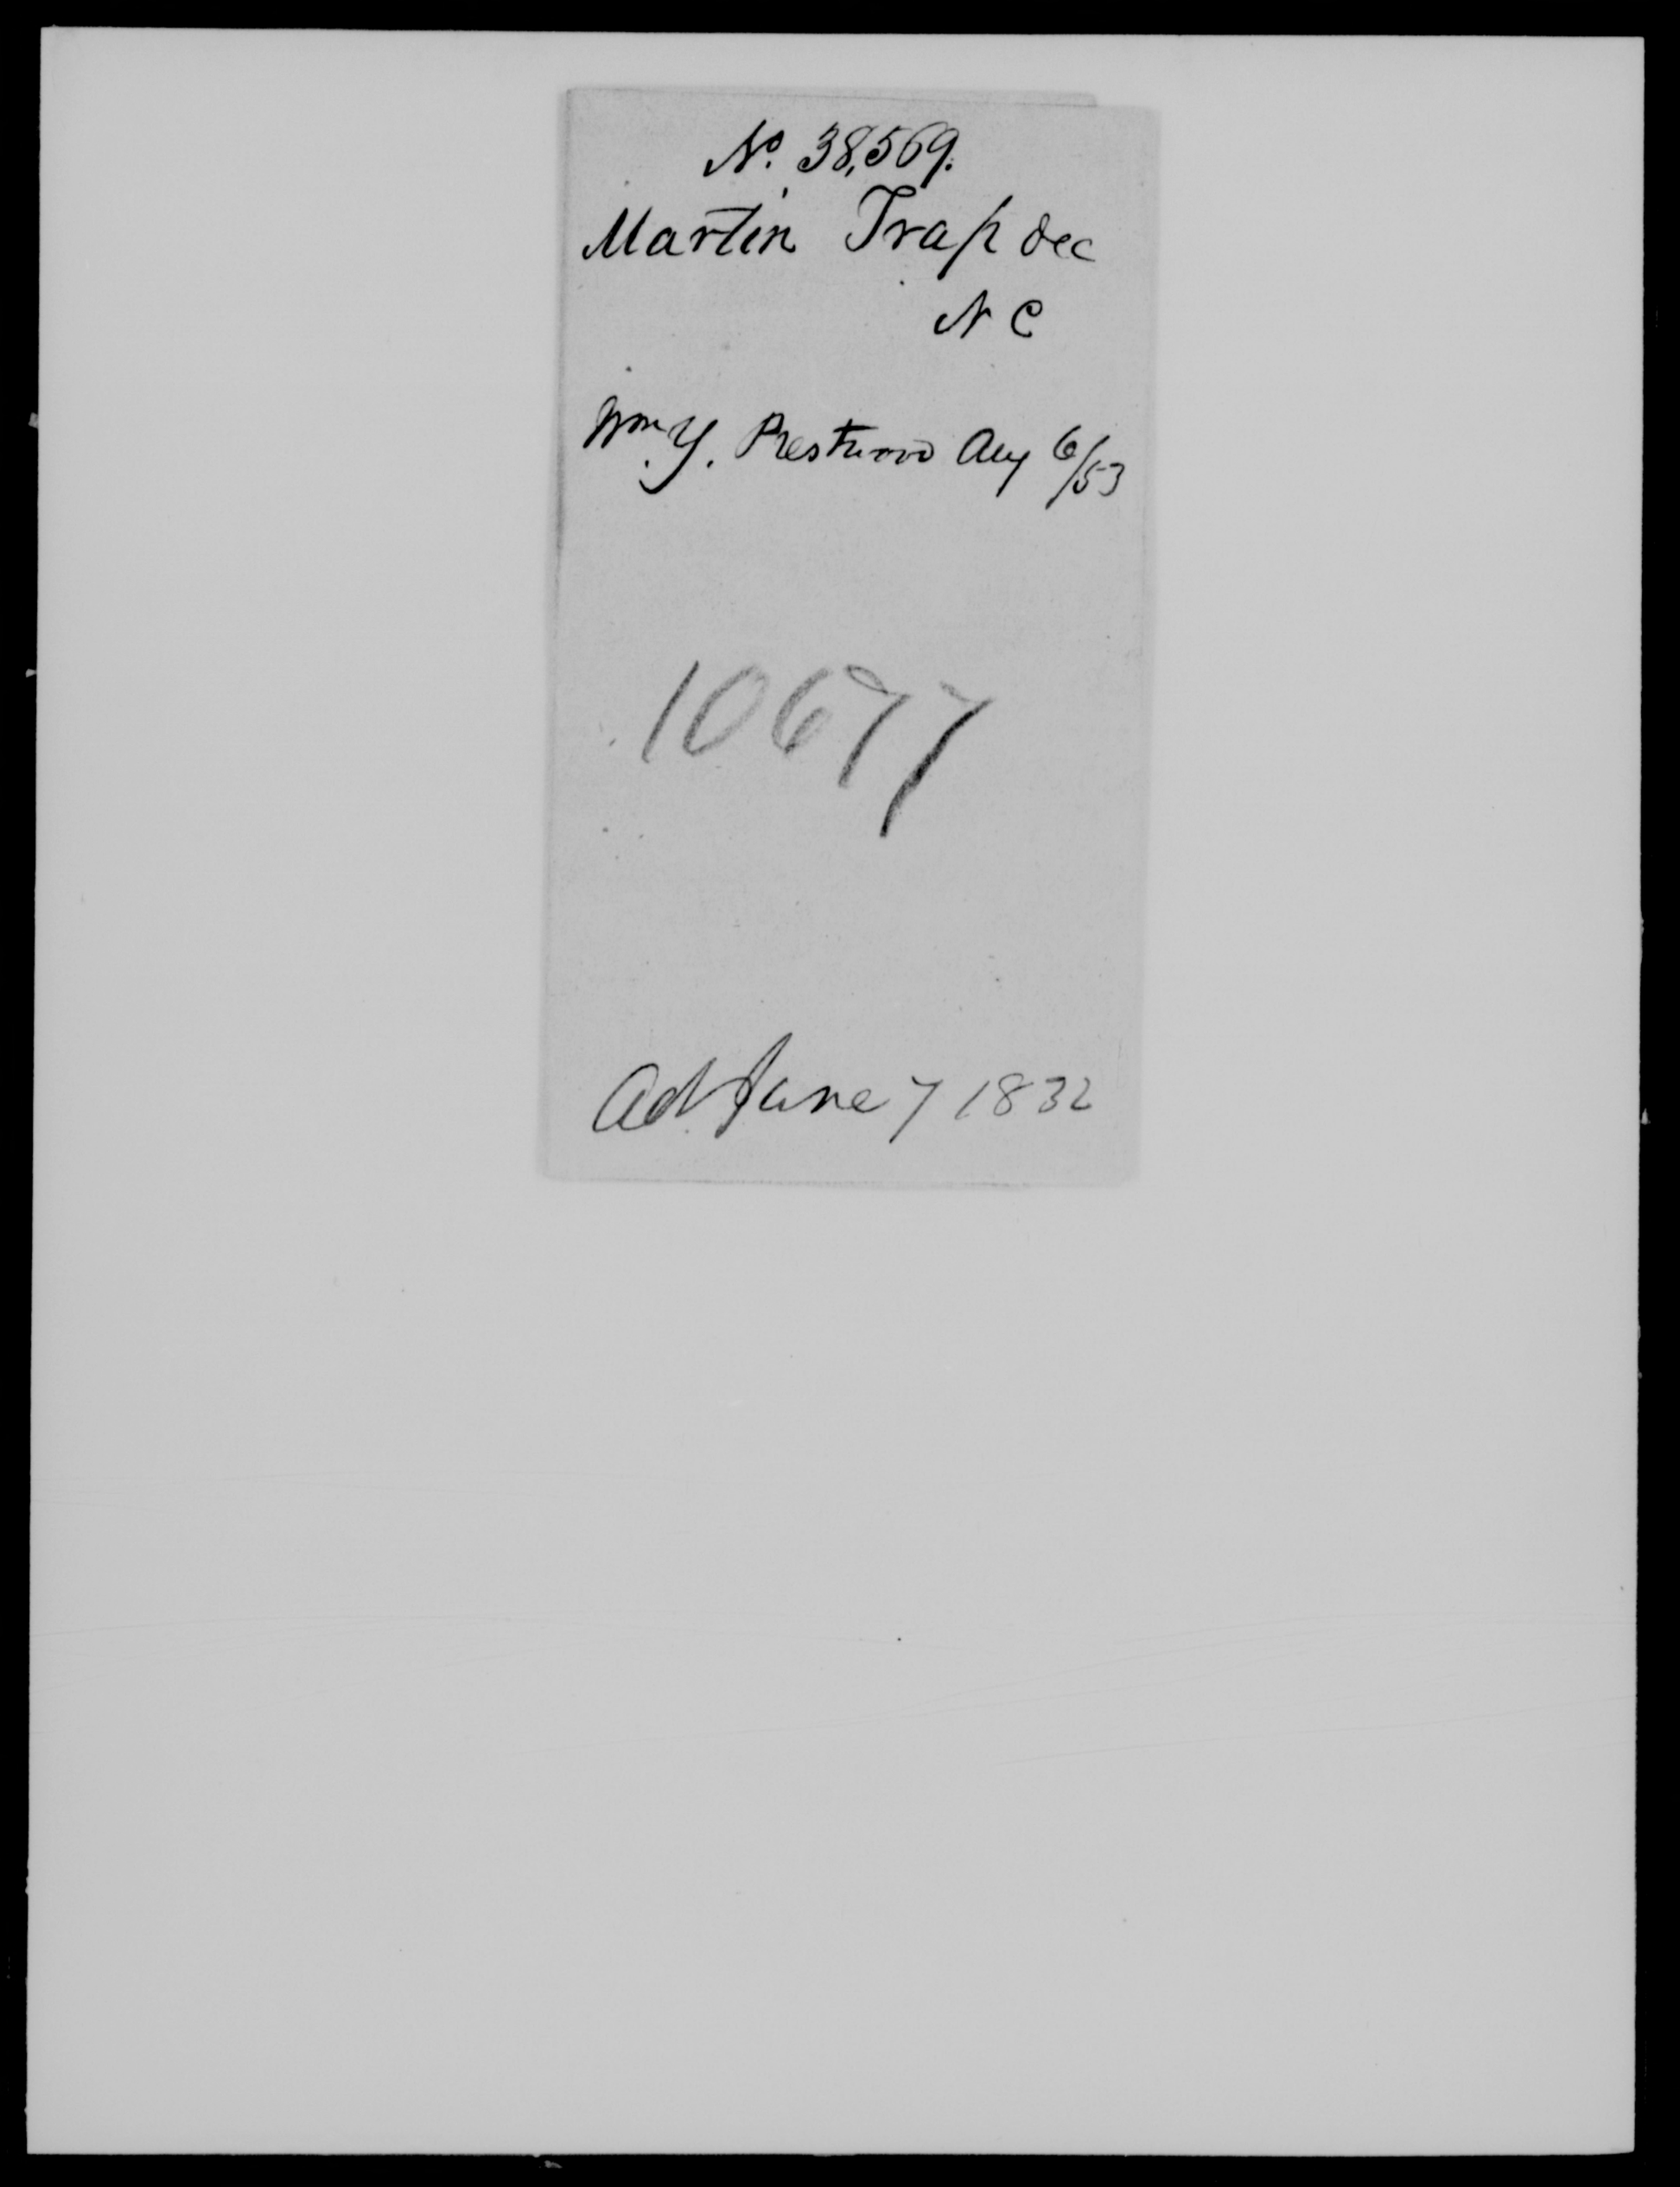[handwritten]

No. 38.569.
Martin Trap dec
NC
Wm. T. Prestwood Aug 6/53

10677

Act June 7 1832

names: Martin Trap, Wm T Prestwood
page: 2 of 8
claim: rejected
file: R. 10677, Martin Trap, Va.